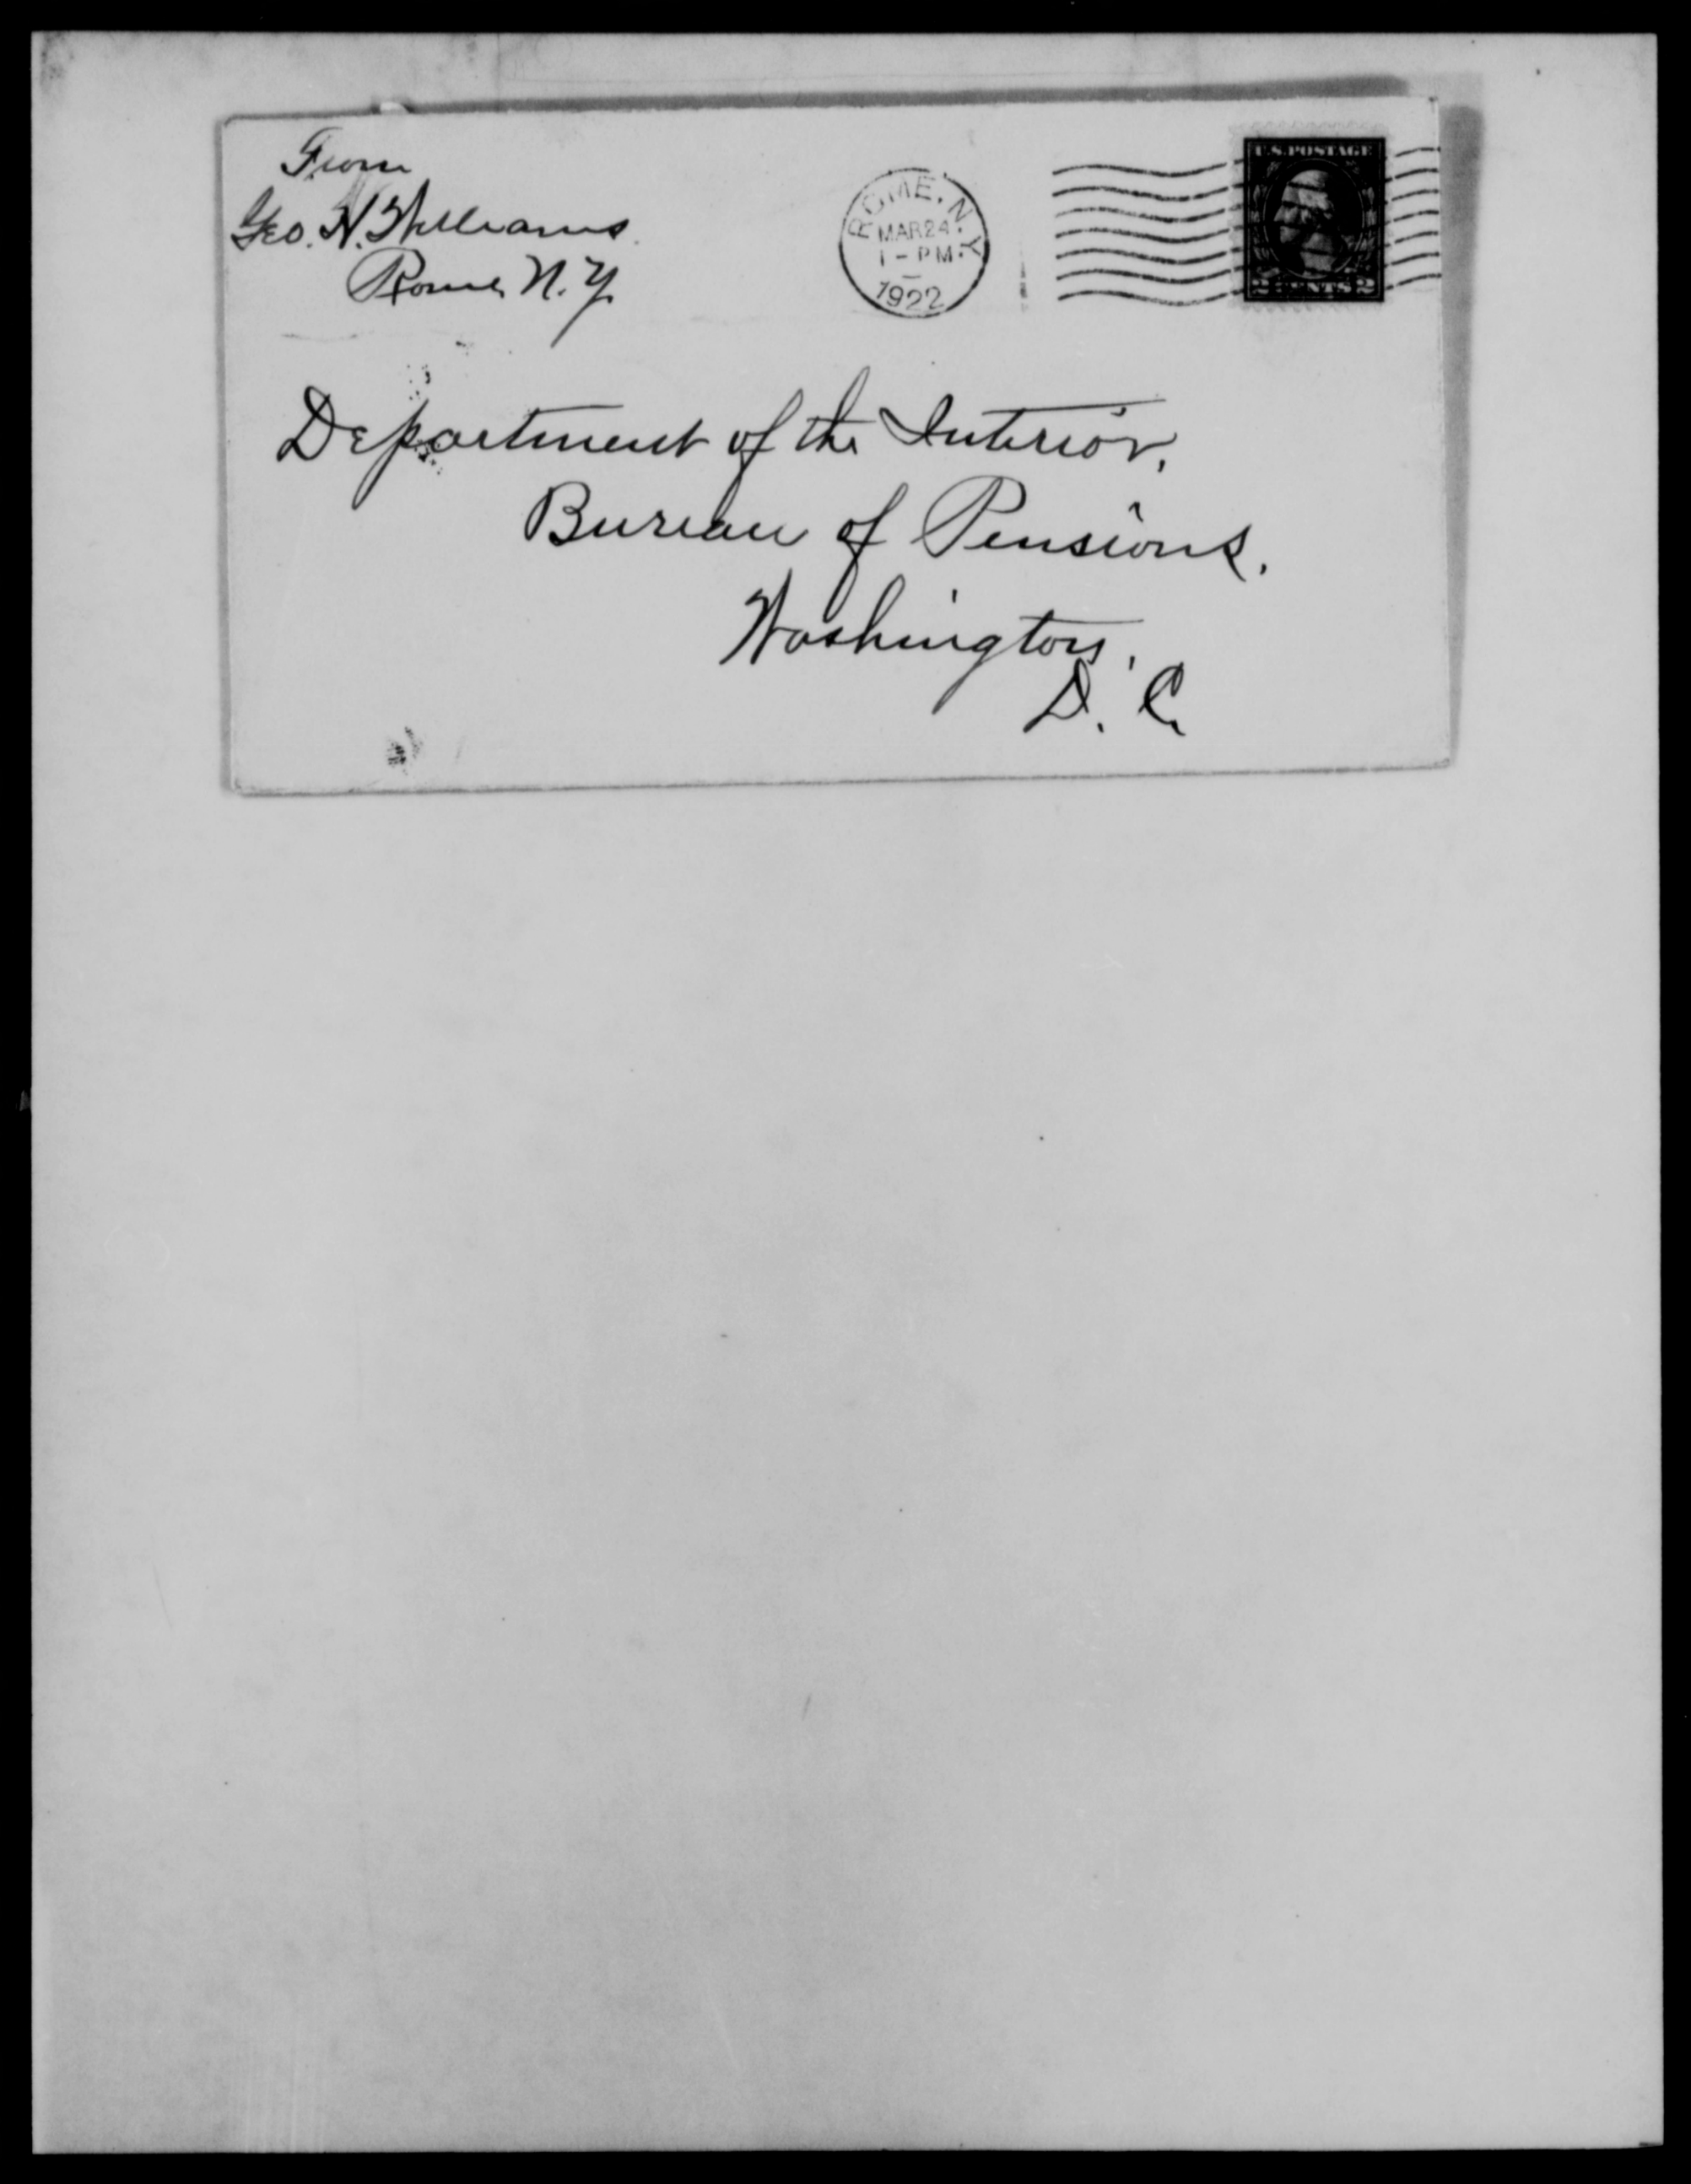(letter address)
From
Geo. H. Williams
Rome N. Y.

Department of the Interior
Bureau of Pensions
Washington, D. C.

(time stamp): Rome, N. Y. Mar 14 1 PM 1922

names: Geo H Williams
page: 53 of 63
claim: widow's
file: W. 22,632, David Williams, Conn. Continental Privateer